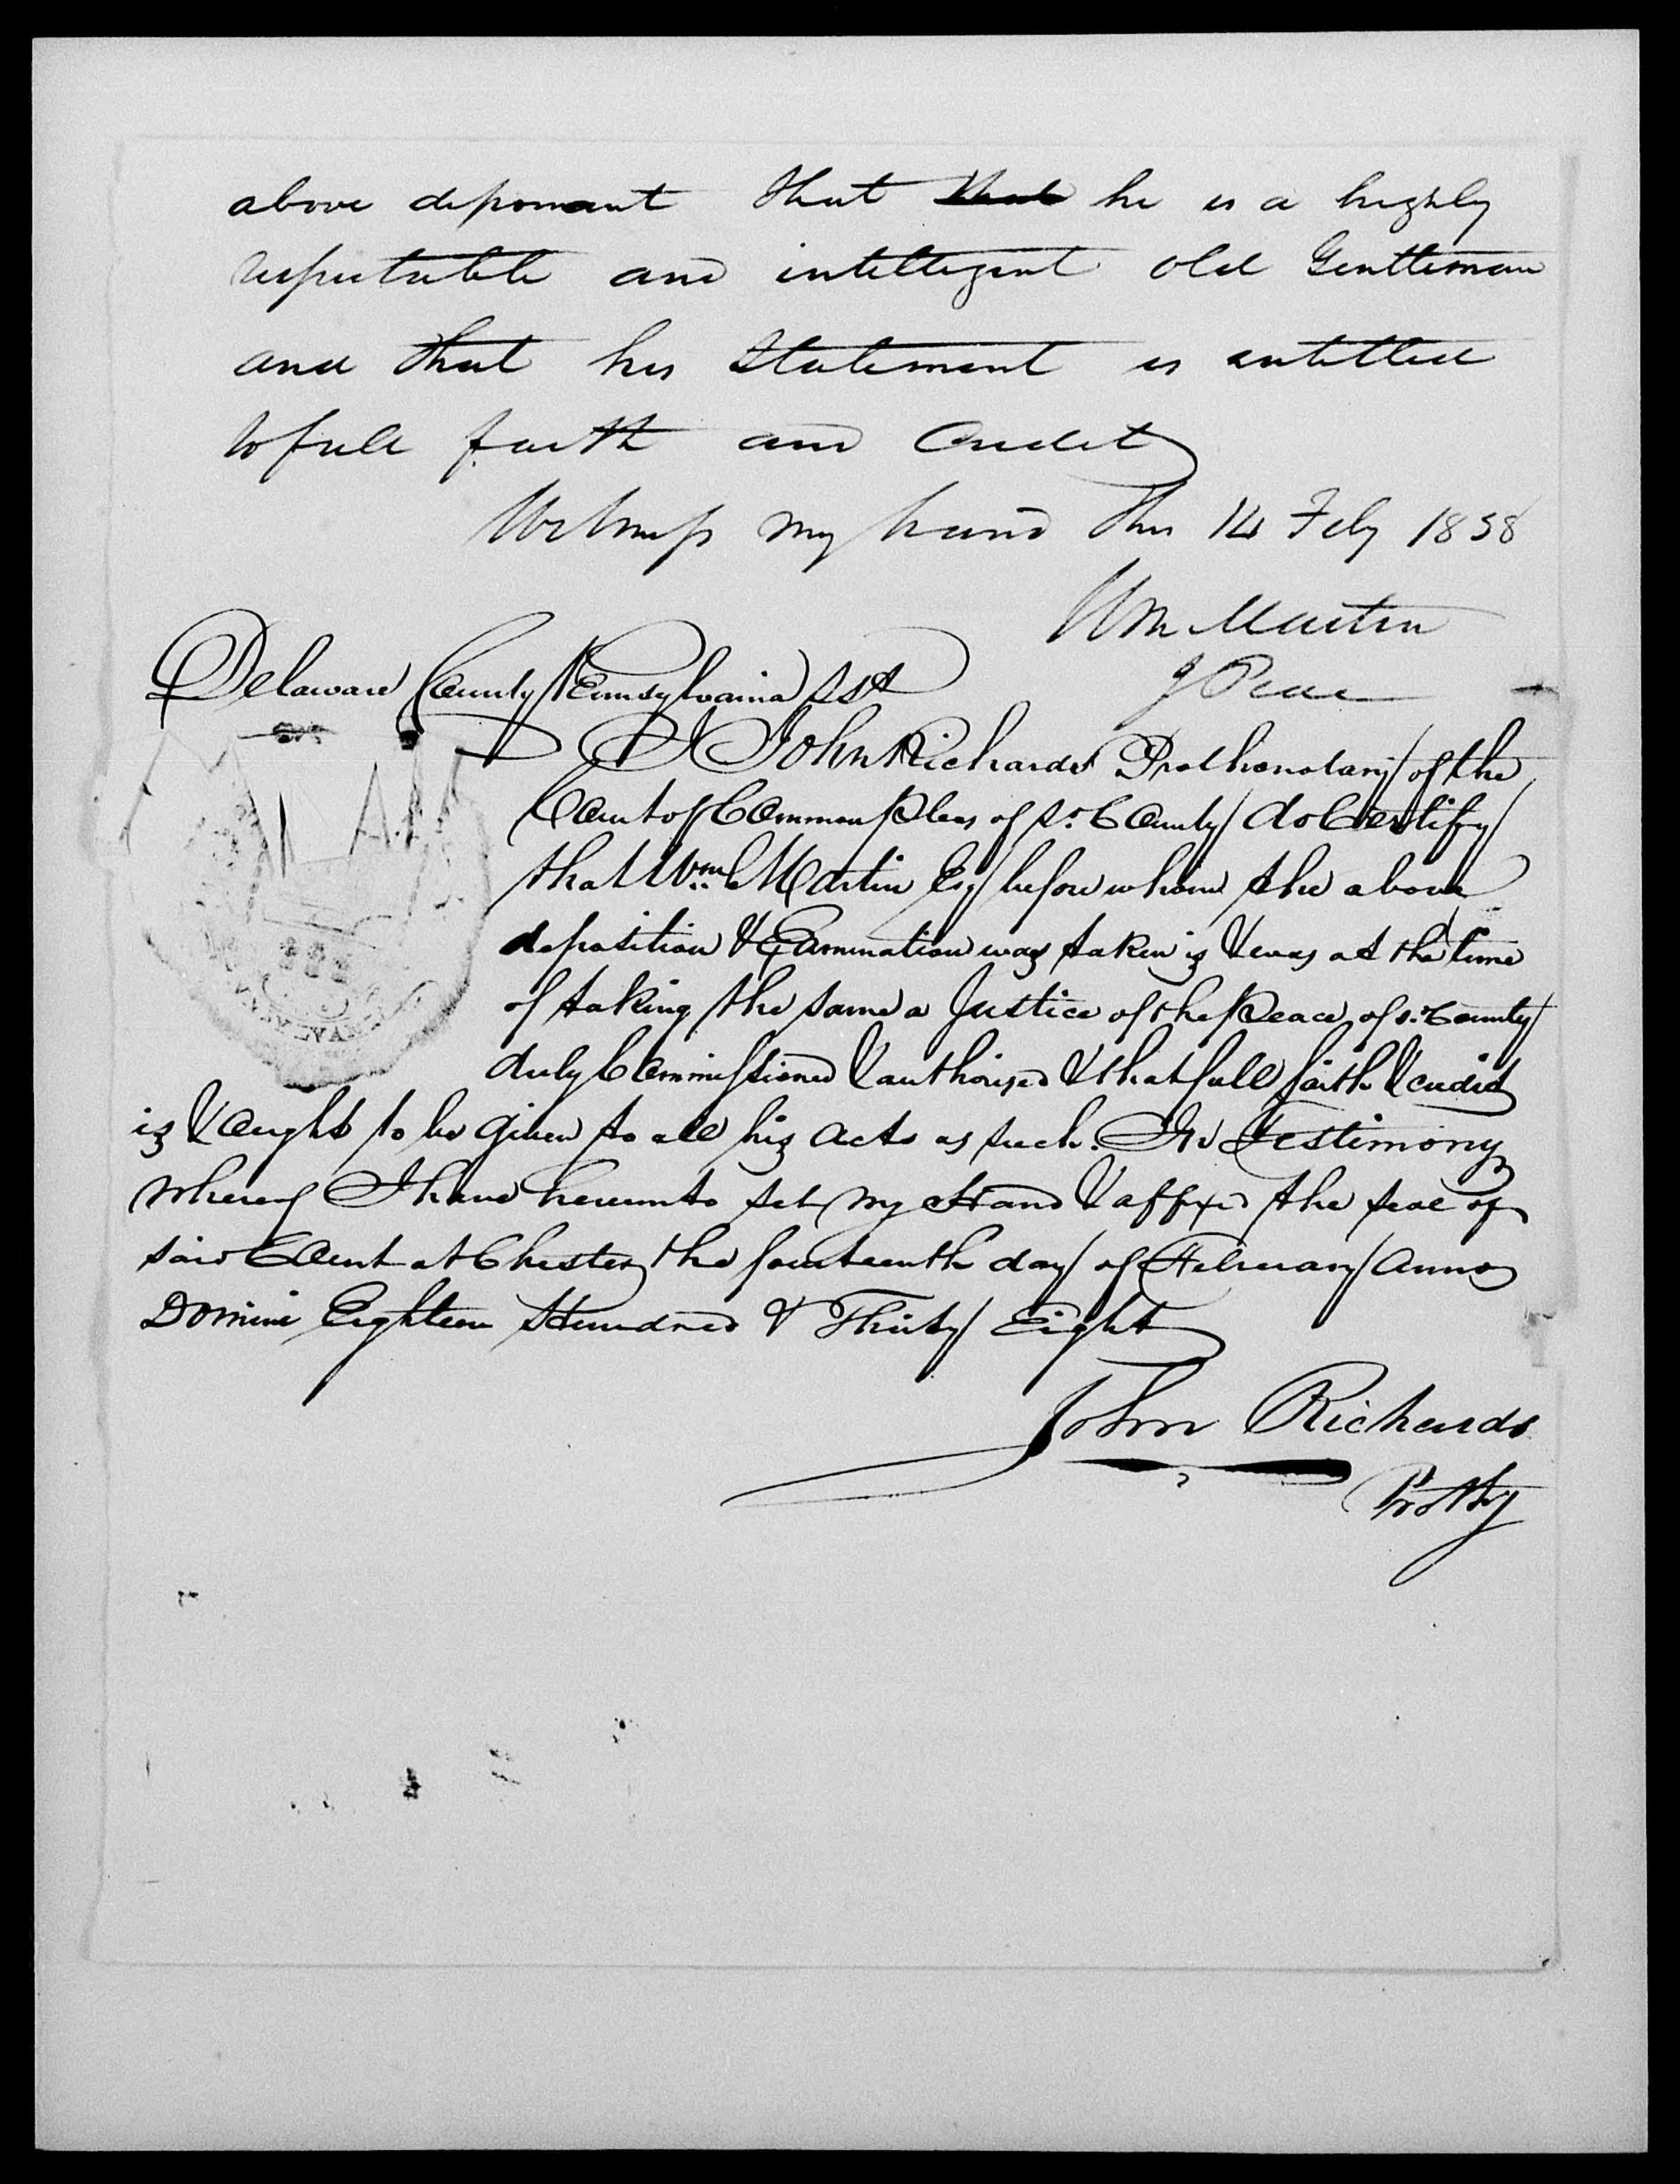above deponant that  he is a highly reputable and intelligent old Gentleman and that his statement is entitled to full faith and credit
Witness my hand this 14 Feby 1858

Wm Martin
J Peace
Delaware County Pennsylvania St
I John Richards Prothonotary of the Court of Common Pleas of said County do certify that Wm Martin Esq before whom the above deposition & Examination was taken is very at the time of taking the same a Justice of the peace of County duly Commissioned & authorized & that full faith & credit is & ought to be given to all his acts as such. In Testimony
whereof I have hereunto set my hand & affixed the seal of said Court at Chester the fourteenth day of February Anno Domini Eighteen Hundred & Thirty Eight

John Richards
[Prothy]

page: 57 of 86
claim: widow's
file: W. 3571, for David Marshall, Pennsylvania